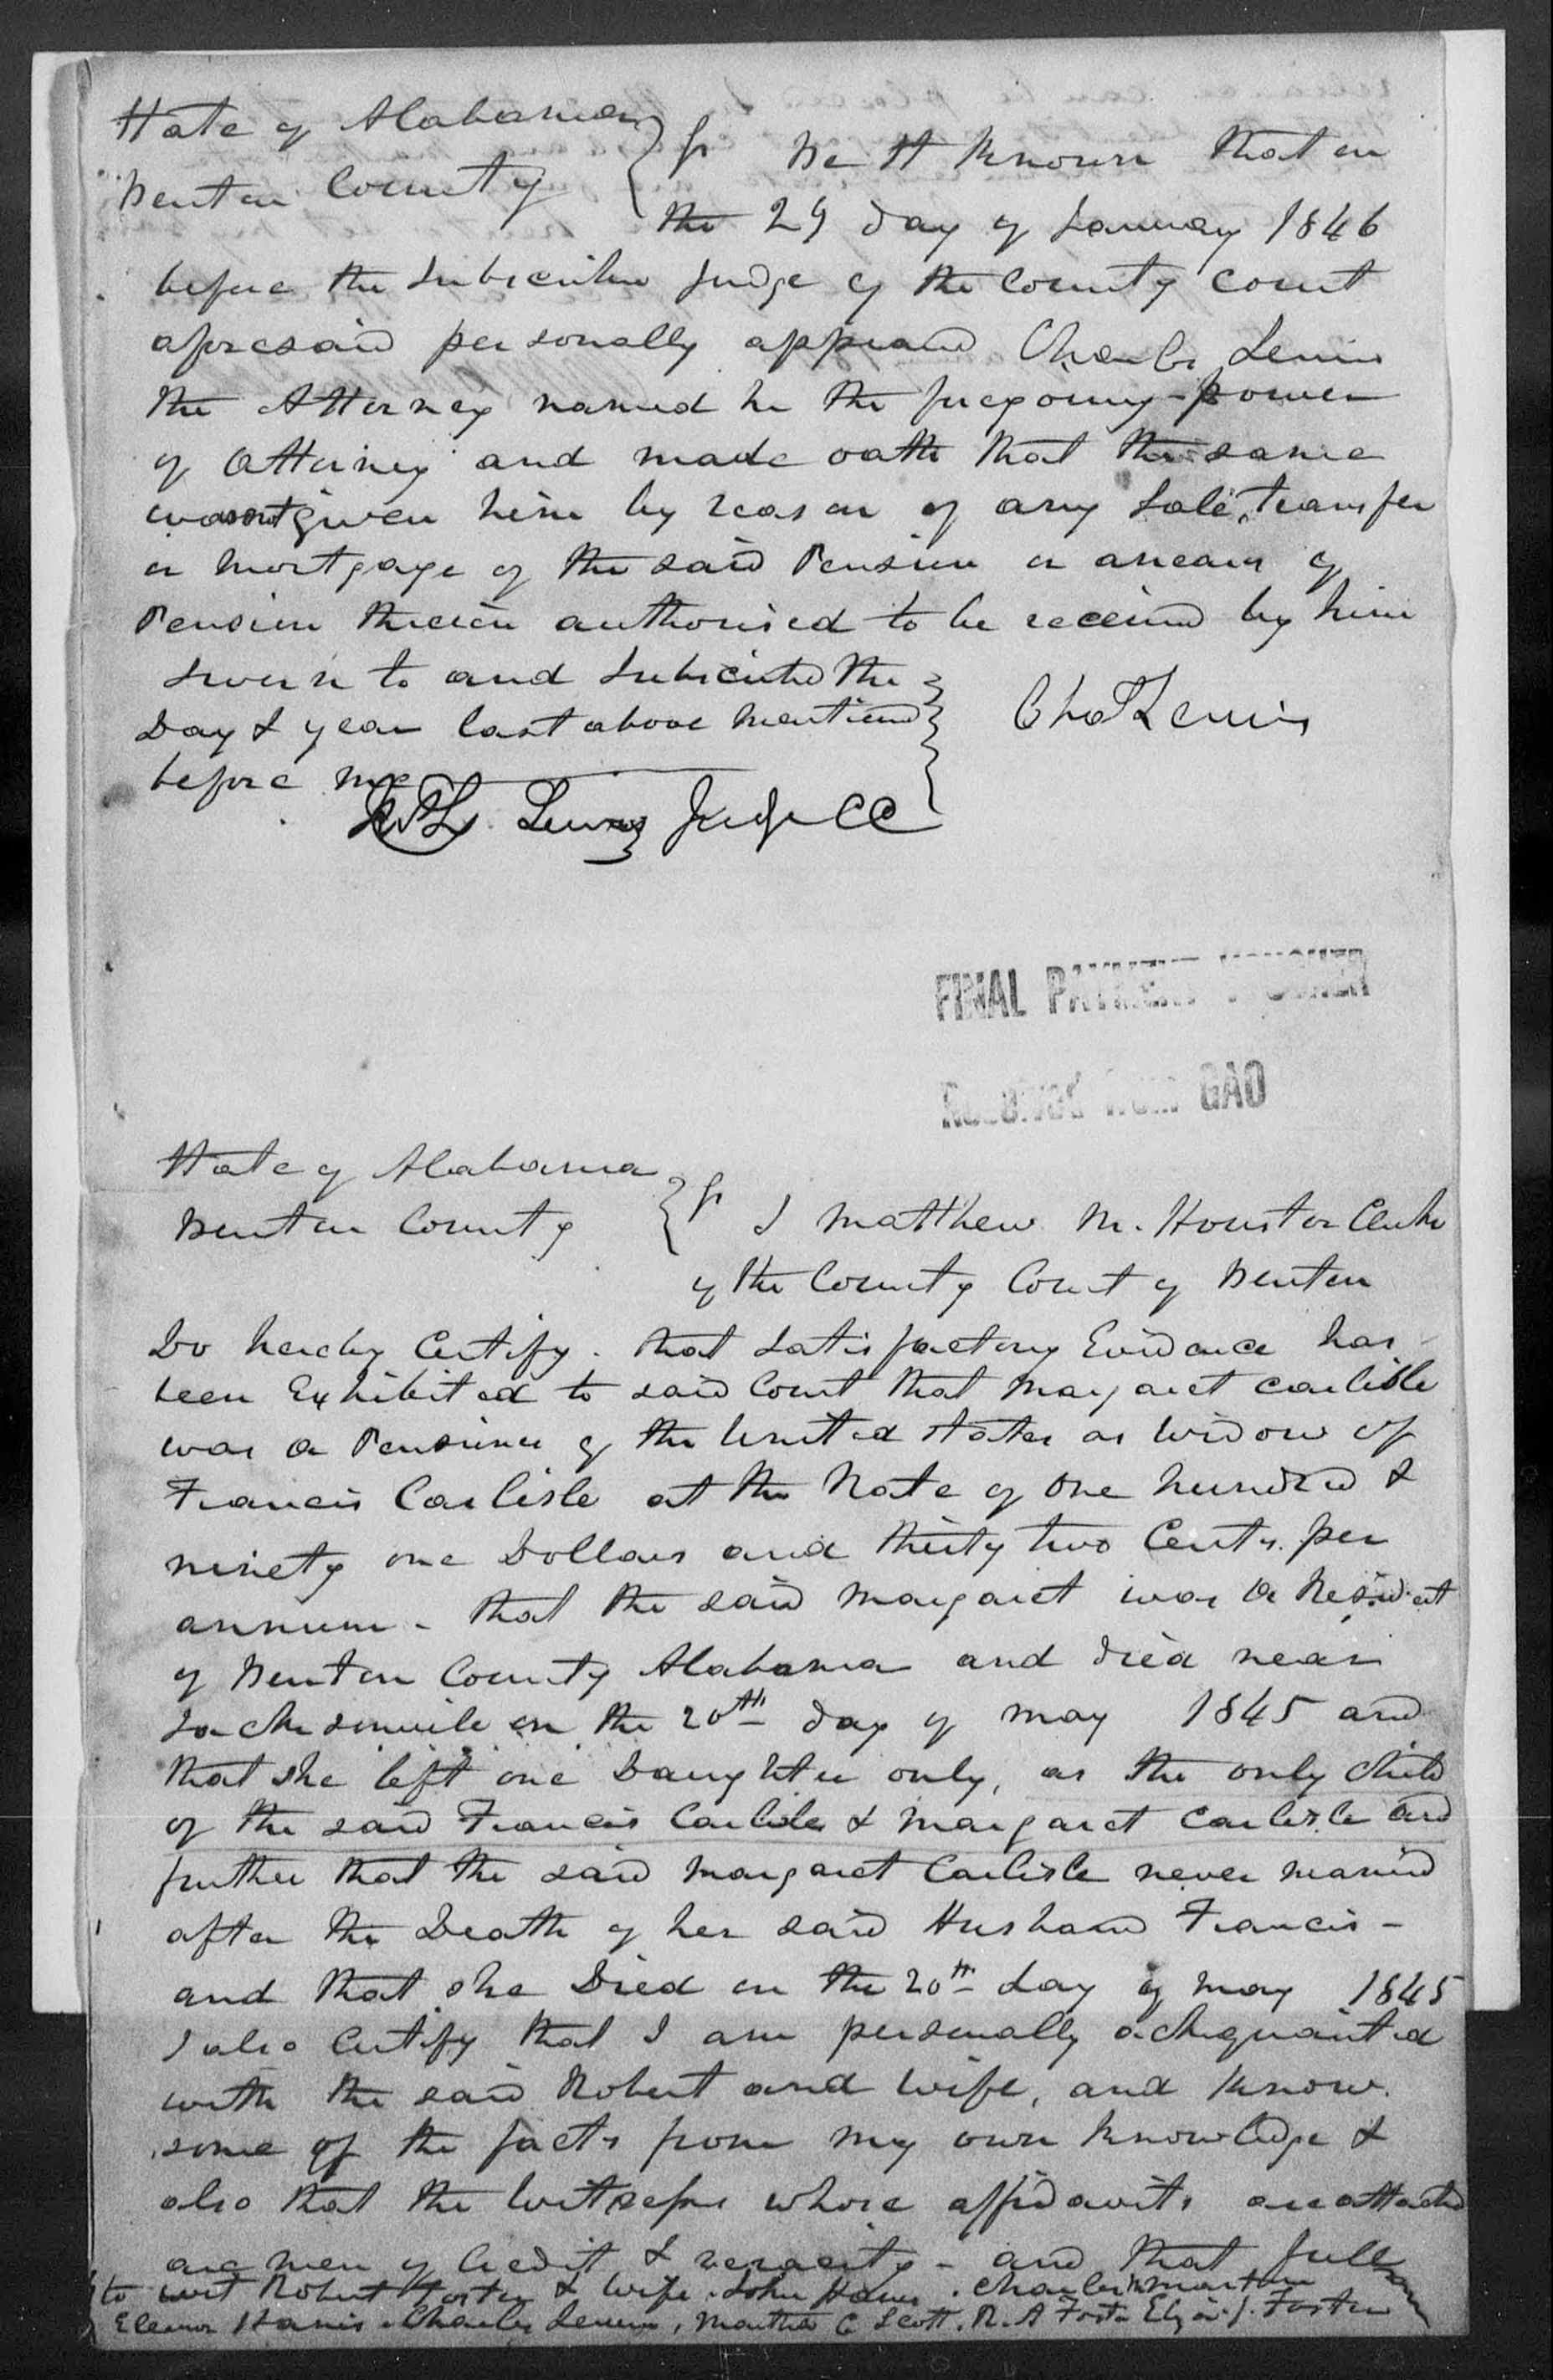State of Alabama
Burton County
Be it known that on the 29 day of January 1846 before the Subscriber Judge of the County Court
aforesaid personally appeared Charles Lewis the Attorney named in the foregoing power of Attorney and made oath that the same was not given him by reason of any sale transfer or mortgage of the said Pension or arrears of pension therein authorized to be received by him
[signed] Charles Lewis
Sworn to and subscribed the day & year last above mentioned before me
John L. Lewis Judge CC

State of Alabama
Benton County
I, Matthew M. Houston Clk of the County Court of Benton Do hereby certify. that satisfactory Evidence has been exhibited to said Court that Margaret Carlisle was a pensioner of the United States as widow of Francis Carlisle at the rate of one hundred & ninety one Dollars and thirty two Cents per annum, that the said Margaret was resident at Burton County Alabama and died near Jacksonville on the 20th day of May 1845 and that she left one Daughter only, as the only child of the said Francis Carlisle & Margaret Carlisle and further that the said Margaret Carlisle never married after the death of her said Husband Francis and that she died on the 20th day of May 1845.

I also certify that I am personally acquainted with the said Robert and wife, and know some of the fact from my own knowledge & also that the witnesses whose affidavits are attached are men of credit & veracity and that full :to wit: Robert Foster & wife, John Harris, Charles Lewis, Charles Martin, Eleanor Harris, Charles Lewis, Martha C. Scott, Ruth Foster, Eliza Foster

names: Margaret, Francis Carlisle, John Harris, Jas L Lewis, Charles Lewis, Francis Carlisle, Martha C Scott, Margaret Carlisle, Charles Lewis, Robert, Margaret Carlisle, R A Foster, Eleanor Harris, Eliza J Foster, Francis, Margaret Carlisle, Chas Lewis, Charles M Martin, Robert Foster, Matthew M Houston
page: 12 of 91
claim: widow's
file: W. 10576, Francis Carlisle, S.C.